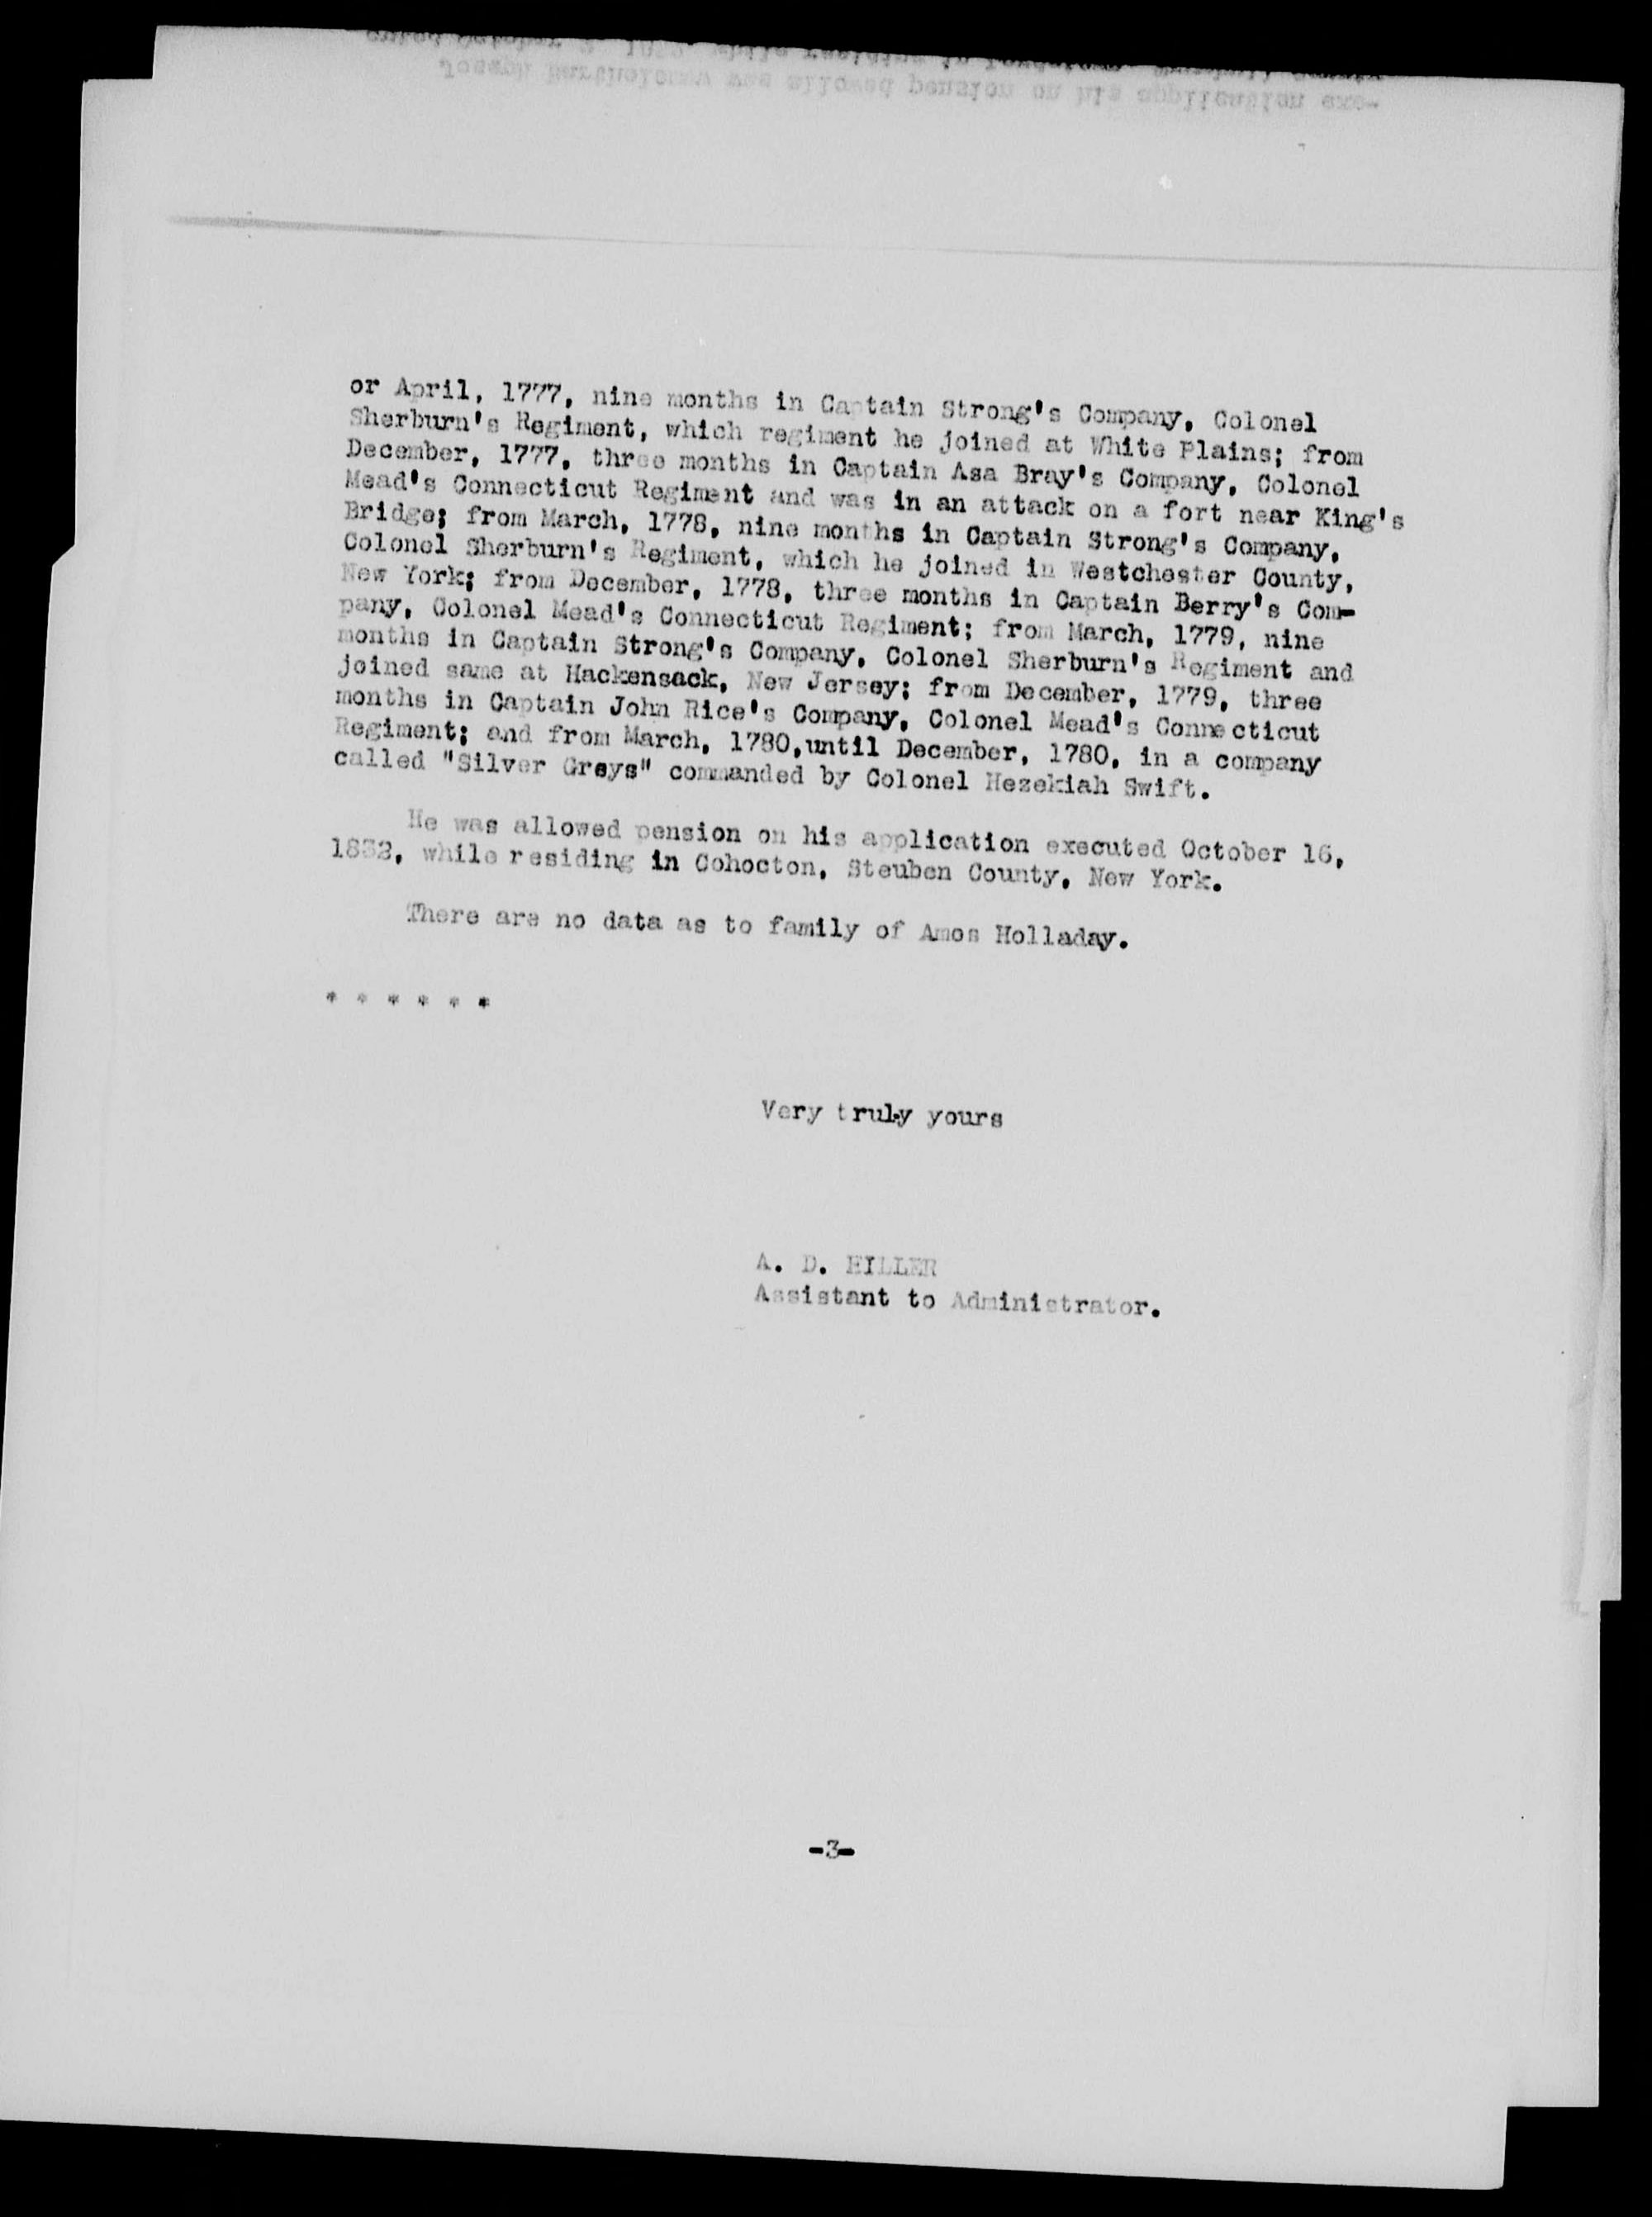April, 1777, nine months in Captain Strong's Company, Colonel
Sherburn's Regiment, which regiment he joined at White Plains; from
December, 1777, three months in Captain Asa Bray's Company, Colonel
Mead's Connecticut Regiment and was in an attack on a fort near King's
Bridge; from March, 1778, nine months in Captain Strong's Company.
Colonel Sherburn's Regiment, which he joined in Westchester County,
New York, from December, 1778, three months in Captain Berry's Company
, Colonel Mead's Connecticut Regiment; from March, 1779, nine
months in Captain Strong's Company, Colonel Sherburn's Regiment and
Joined same at Hackensack, New Jersey; from December, 1779, three
months in Captain John Rice's Company, Colonel Mead's Connecticut
Regiment; and from March, 1780, until December, 1780, in a company
called "Silver Greys" commanded by Colonel Hezekiah Swift,
He was allowed pension on his application executed October 16,
1883, while residing in Cohocton, Steuben County, New York.
There are no data as to family of Amos Holladay,
" " "
Very truly yours
A. D. HILLER
Assistant to Administrator,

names: Amos Holladay, Hezekiah Swift, A D Hiller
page: 74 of 76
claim: widow's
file: W. 9345, Joseph Bartholomew, Conn.